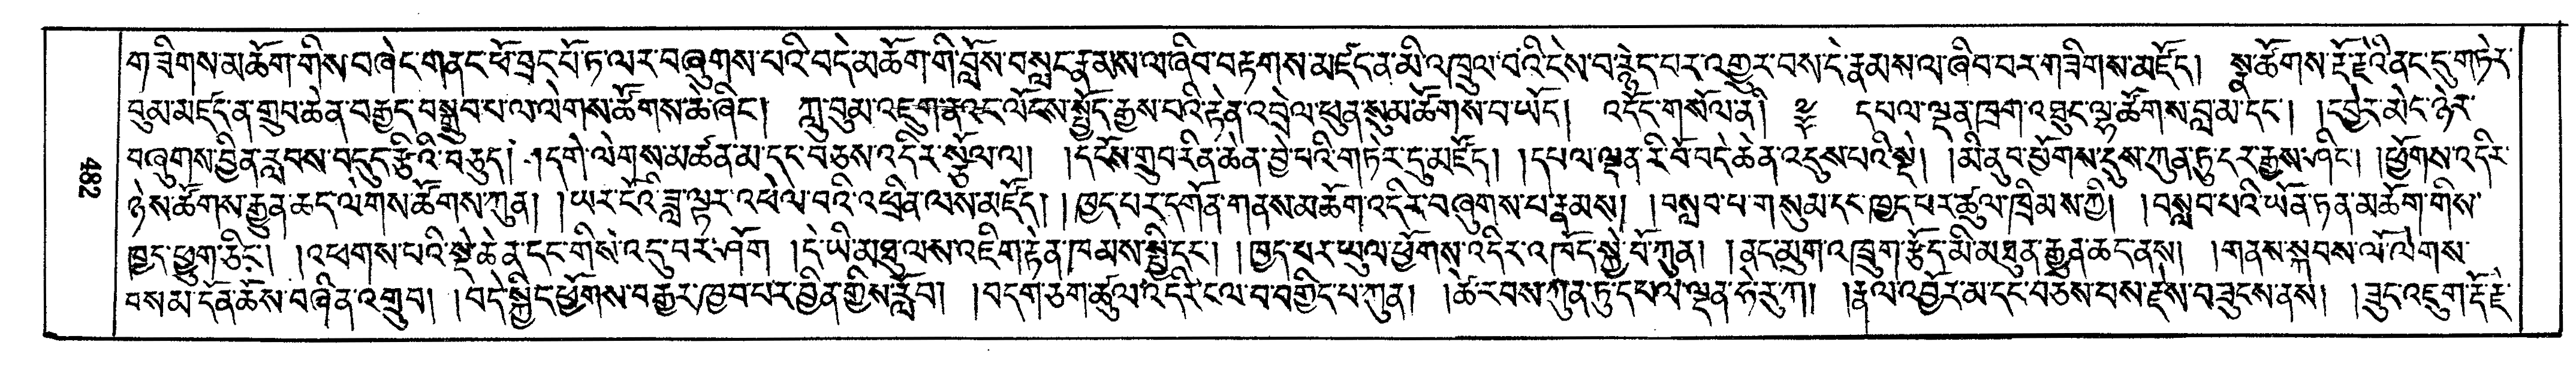གཟིགས་མཆོག་གིས་བཞེང་གནང་ཕོ་བྲང་པོ་ཏ་ལར་བཞུགས་པའི་བདེ་མཆོག་གི་བློས་བསླང་རྣམས་ལ་ཞིབ་བརྟགས་མཛད་ན་མི་འཁྲུལ་བའི་ངེས་པ་རྙེད་པར་འགྱུར་བས་དེ་རྣམས་ལ་ཞིབ་པར་གཟིགས་མཛོད། སྣ་ཚོགས་རྡོ་རྗེའི་ནང་དུ་གཏེར་
བུམ་མཛད་ན་གྲུབ་ཆེན་བརྒྱད་བསྒྲུབ་པ་ལ་ལེགས་ཚོགས་ཆེ་ཞིང་། ཀླུ་བུམ་འཇུག་ནའང་ལོངས་སྤྱོད་རྒྱས་པའི་རྟེན་འབྲེལ་ཕུན་སུམ་ཚོགས་པ་ཡོད། འདོད་གསོལ་ནི། ༈ དཔལ་ལྡན་ཁྲག་འཐུང་ལྷ་ཚོགས་བླ་མ་དང་། །དབྱེར་མེད་ཉེར་
བཞུགས་བྱིན་རླབས་བདུད་རྩིའི་བཅུད། །དགེ་ལེགས་མཚན་མ་དང་བཅས་འདིར་སྩོལ་ལ། །དངོས་གྲུབ་རིན་ཆེན་བྱེ་བའི་གཏེར་དུ་མཛོད། །དཔལ་ལྡན་རི་བོ་བདེ་ཆེན་འདུས་པའི་སྡེ། །མི་ནུབ་ཕྱོགས་དུས་ཀུན་ཏུ་ངར་རྒྱས་ཤིང་། །ཕྱོགས་འདིར་
ཉེས་ཚོགས་རྒྱུན་ཆད་ལེགས་ཚོགས་ཀུན། །ཡར་ངོའི་ཟླ་ལྟར་འཕེལ་བའི་འཕྲིན་ལས་མཛོད། །ཁྱད་པར་དགོན་གནས་མཆོག་འདིར་བཞུགས་པ་རྣམས། །བསླབ་པ་གསུམ་དང་ཁྱད་པར་ཚུལ་ཁྲིམས་ཀྱི། །བསླབ་པའི་ཡོན་ཏན་མཆོག་གིས་
རྒྱུད་ཕྱུག་ཅིང་། །འཕགས་པའི་སྡེ་ཆེན་ངང་གིས་འདུ་བར་ཤོག །དེ་ཡི་མཐུ་ལས་འཇིག་རྟེན་ཁམས་སྤྱི་དང་། །ཁྱད་པར་ཡུལ་ཕྱོགས་འདིར་འཁོད་སྐྱི་བོ་ཀུན། །ནད་མུག་འཁྲུག་རྩོད་མི་མཐུན་རྒྱུན་ཆད་ནས། །གནས་སྐབས་ལོ་ལེགས་
བསམ་དོན་ཆོས་བཞིན་འགྲུབ། །བདེ་སྐྱིད་ཕྱོགས་བརྒྱར་ཁྱབ་པར་བྱིན་གྱིས་རློབ། །བདག་ཅག་ཚུལ་འདིར་ངལ་བ་བགྱིད་པ་ཀུན། །ཚེ་རབས་ཀུན་ཏུ་དཔལ་ལྡན་ཧེ་རུ་ཀ། །རྣལ་འབྱོར་མ་དང་བཅས་པས་རྗེས་བཟུངས་ནས། །ཟུང་འཇུག་རྡོ་རྗེ་